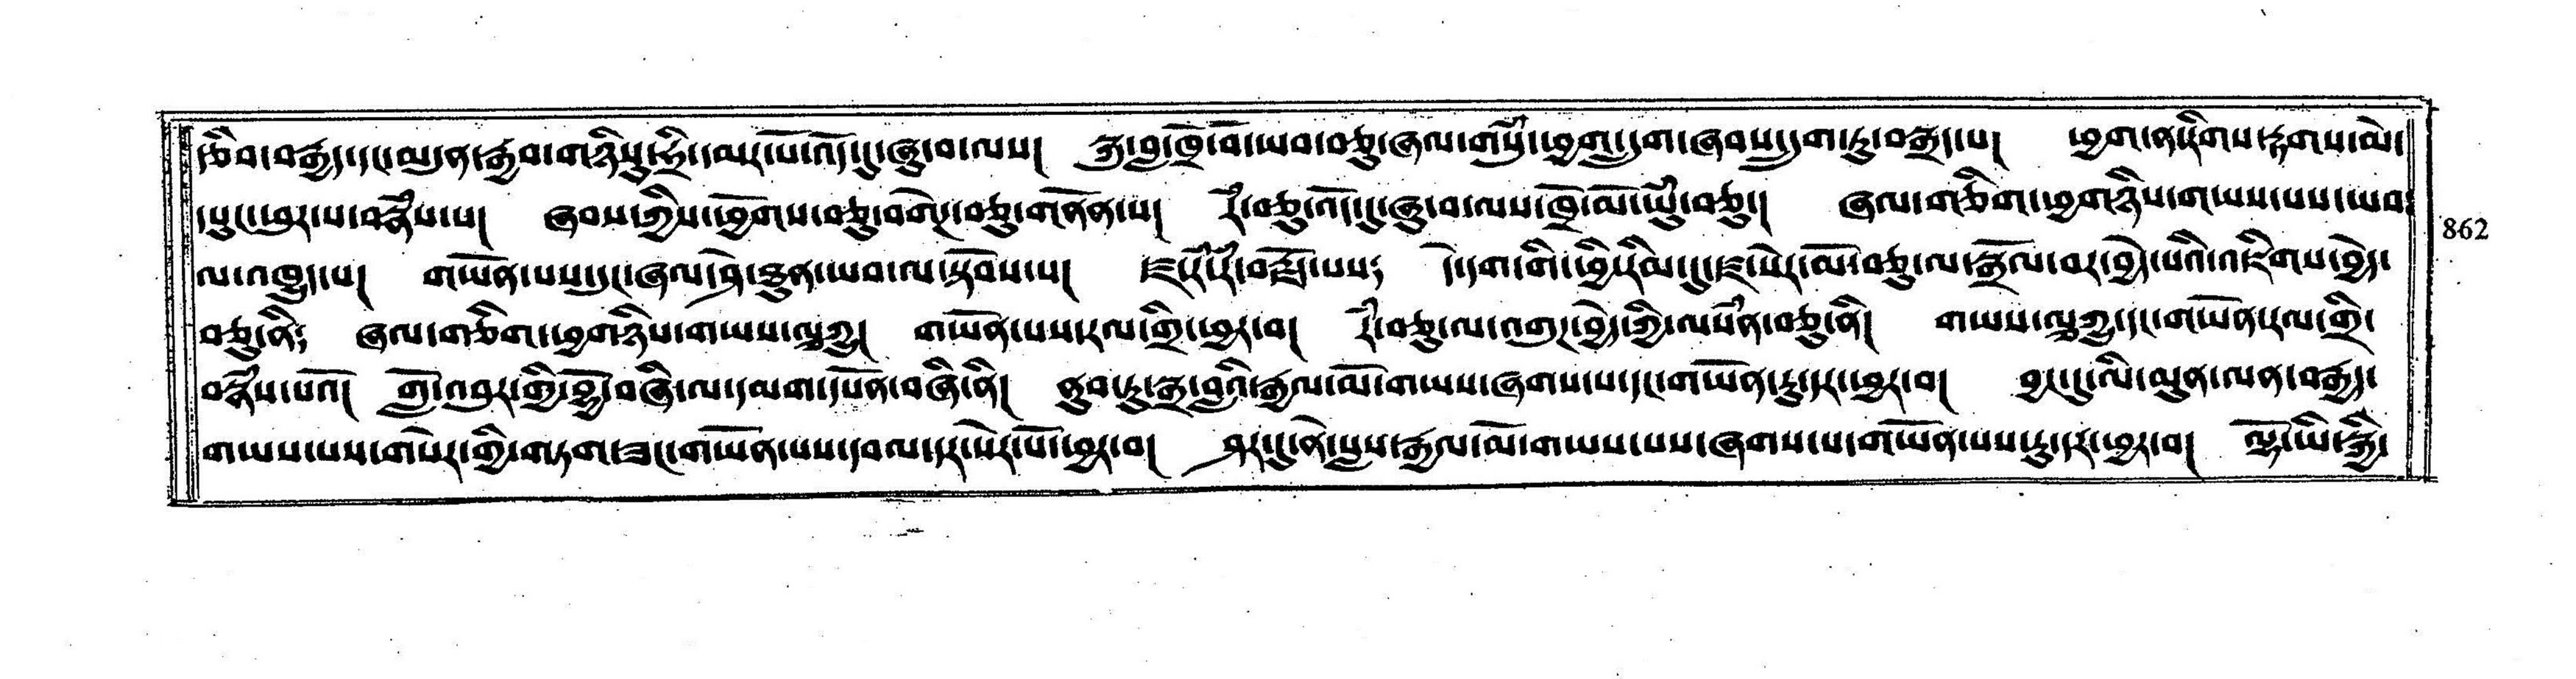རྩིབ་བརྒྱད་དང་མདུན་རྒྱབ་གཉིས་སུ་ཧྲི་དམར་པོ་འོད་དུ་ཞུ་བ་ལས། སྐུ་བླ་ཁྲོ་བོ་ཡབ་བཅུ་ཞལ་གསུམ་ཕྱག་དྲུག་ཞབས་དྲུག་ཏུ་བསྒྲད་པ། ཕྱག་ན་རིགས་རྟགས་མེ་
དཔུང་ཕུར་པ་བསྣམས་པ། ཞབས་ཀྱིས་ཕྱོགས་བཅུ་བགེགས་བཅུ་གནོན་པ། རཾ་བཅུ་འོད་དུ་ཞུ་བ་ལས་ཁྲོ་མོ་ཡུམ་བཅུ། ཞལ་གཅིག་ཕྱག་གཉིས་གཡས་པས་ཡབ་
ལ་འཁྱུད་པ། གཡོན་པས་དུང་ཞལ་ཤེ་ཐུན་ཡབ་ལ་སྟོབས་པ། ཛ་རཾ་རཾ་བརྗོད་པས དེ་དག་གི་ཕྱི་རིམ་དུ་ཛ་སེར་མོ་བཅུ་ལ་སྒྲོལ་བར་བྱེད་པའི་འཇིགས་བྱེད་
བཅུ་ནི། ཞལ་གཅིག་ཕྱག་གཉིས་གཡས་ལྕག་ཀྱུ། གཡོན་པས་རལ་གྲི་ཕྱར་བ། རཾ་བཅུ་ལ་འགུགས་བྱེད་ཀྱི་ལས་མཁན་བཅུ་ནི། གཡས་ལྕགས་ཀྱུ་དང་གཡོན་རལ་གྲི་
བསྣམས་པའོ། གློ་འབུར་གྱི་བྷྱོ་བཞི་ལ་དམག་དཔོན་བཞི་ནི། ནུབ་ཏུ་སྒྲ་བླའི་རྒྱལ་མོ་གཡས་ཞགས་པ་དང་གཡོན་དུ་དར་ཕྱར་བ། བྱང་དུ་ལི་མུན་ལན་བརྒྱད་
གཡས་པས་གསེར་གྱི་ཏག་༼ཐགས་བཟང་༽ཟང་གཡོན་པས་དབལ་དར་སེར་པོ་ཕྱར་བ། ཤར་དུ་ནེ་སླས་རྒྱལ་མོ་གཡས་པས་ཞགས་པ་གཡོན་པས་རུ་དར་ཕྱར་བ། ལྷོ་ཡི་སྐྱི་